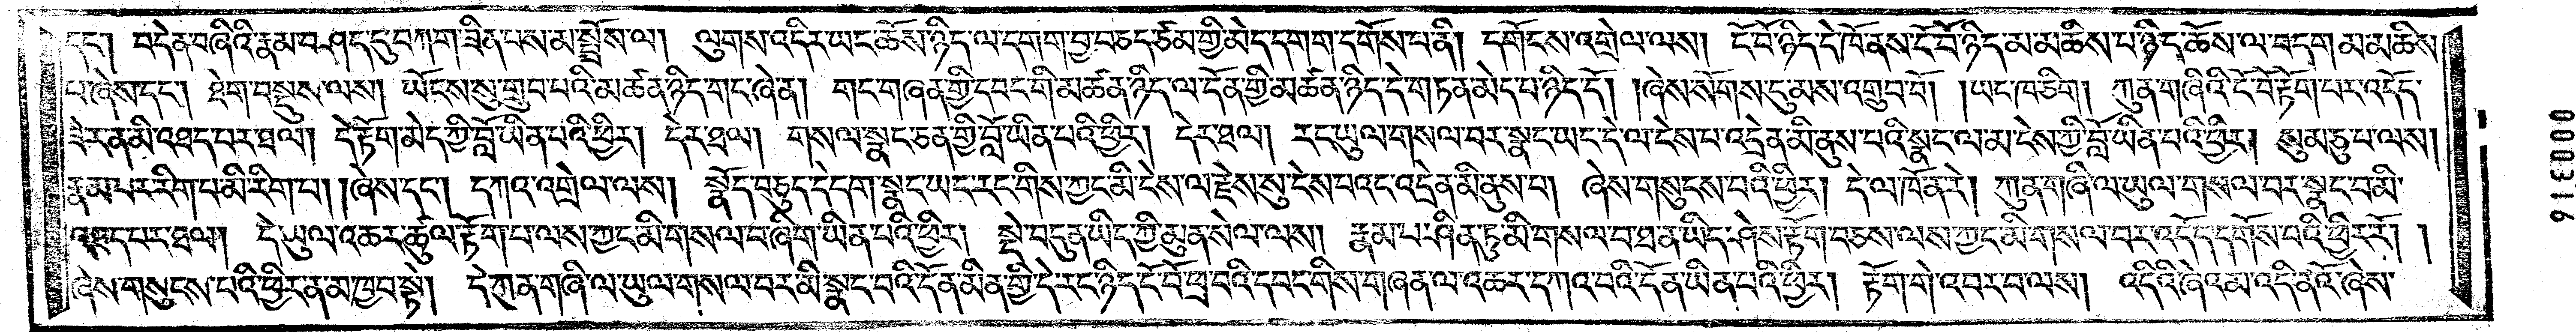དང་། བདེན་བཞིའི་རྣམ་བཤད་དུ་བཀག་ཟིན་པས་མ་སྤྲོས་ལ། ལུགས་འདིར་ཡང་ཆོས་ཉིད་ལ་དགག་བྱ་བཅོད་ཙམ་གྱི་མེད་དགག་དགོས་པ་ནི། དགོངས་འགྲེལ་ལས། ངོ་བོ་ཉིད་དེ་ཁོ་ནས་ངོ་བོ་ཉིད་མ་མཆིས་པ་ཉིད་ཆོས་ལ་བདག་མ་མཆིས་
པ་ཞེས་དང་། ཐེག་བསྡུས་ལས། ཡོངས་སུ་གྲུབ་པའི་མཚན་ཉིད་གང་ཞེ་ན། གང་གཞན་གྱི་དབང་གི་མཚན་ཉིད་ལ་དོན་གྱི་མཚན་ཉིད་དེ་གཏན་མེད་པ་ཉིད་དོ། །ཞེས་སོགས་དུ་མས་འགྲུབ་བོ། །ཡང་ཁ་ཅིག །ཀུན་གཞིའི་ངོ་བོ་རྟོག་པར་འདོད་
ཟེར་ན་མི་འཐད་པར་ཐལ། དེ་རྟོག་མེད་ཀྱི་བློ་ཡིན་པའི་ཕྱིར། དེར་ཐལ། གསལ་སྣང་ཅན་གྱི་བློ་ཡིན་པའི་ཕྱིར། དེར་ཐལ། རང་ཡུལ་གསལ་བར་སྣང་ཡང་དེ་ལ་ངེས་པ་འདྲེན་མི་ནུས་པའི་སྣང་ལམ་ངེས་ཀྱི་བློ་ཡིན་པའི་ཕྱིར། སུམ་ཅུ་པ་ལས།
རྣམ་པར་རིག་པ་མི་རིག་པ། །ཞེས་དང་། དཀའ་འགྲེལ་ལས། སྣོད་བཅུད་དེ་དག་སྣང་ཡང་རང་གིས་ཀྱང་མི་ངེས་ལ་རྗེས་སུ་ངེས་པའང་འདྲེན་མི་ནུས་པ། ཞེས་གསུངས་པའི་ཕྱིར། དེ་ལ་ཁོ་ན་རེ། ཀུན་གཞི་ལ་ཡུལ་གསལ་བར་སྣང་བ་མི་
འཐད་པར་ཐལ། དེ་ཡུལ་འཆར་ཚུལ་རྟོག་པ་ལས་ཀྱང་མི་གསལ་བ་ཞིག་ཡིན་པའི་ཕྱིར། སྡེ་བདུན་ཡིད་ཀྱི་མུན་སེལ་ལས། རྣམ་པ་ཤིན་ཏུ་མི་གསལ་བ་ཐ་ན་ཡིད་ཤེས་རྟོག་བཅས་ལས་ཀྱང་མི་གསལ་བར་འདོད་དགོས་པའི་ཕྱིར་རོ། །
ཞེས་གསུངས་པའི་ཕྱིར་ན་མ་ཁྱབ་སྟེ། དེ་ཀུན་གཞི་ལ་ཡུལ་གསལ་བར་མི་སྣང་བའི་དོན་མིན་གྱི་དེ་རང་ཉིད་ངོ་བོ་ཕྲ་བའི་དབང་གིས་གཞན་ལ་འཆར་དཀའ་བའི་དོན་ཡིན་པའི་ཕྱིར། རྟོག་གེ་འབར་བ་ལས། འདིའི་ཞེའམ་འདི་ནའོ་ཞེས་